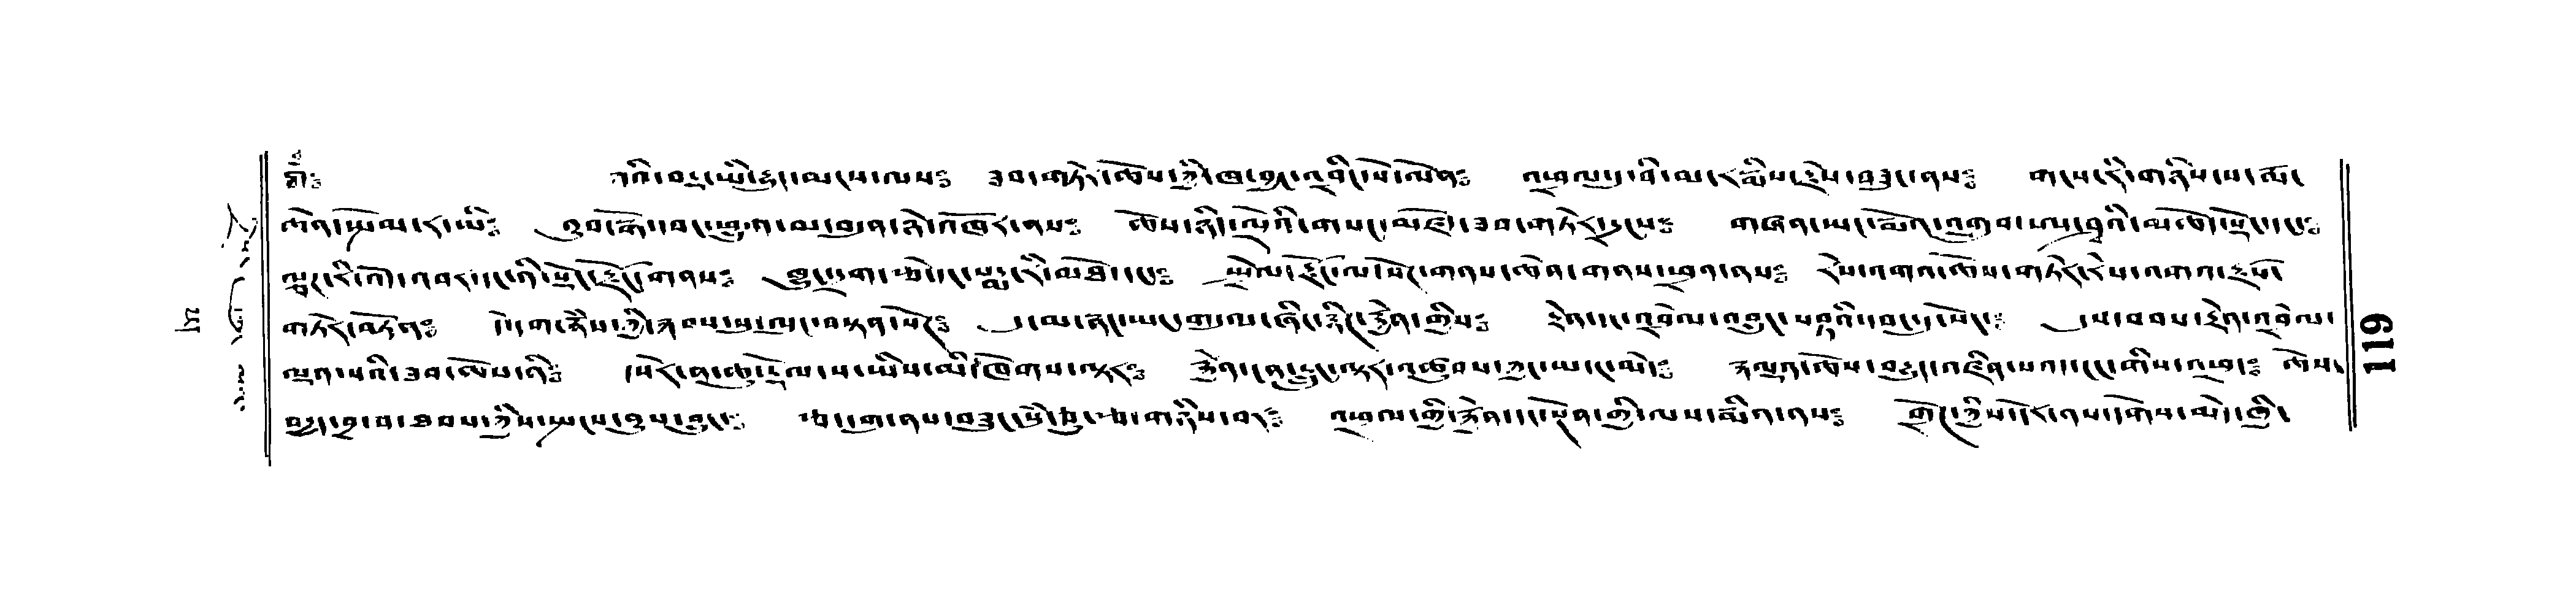ཀའི་བརྡ་ཡི་རྒྱུད་མངས་ལས༔ ཟབ་གཏེར་ཆོས་ཀྱི་ཁ་བྱང་འབྲིང་པོ་ལོན༔ འཕྲལ་དུ་བི་མ་རསྨིས་རྗེས་བཟུང་ནས༔ གངས་རི་གཉིས་པ་རྨ་
ཆེན་སྤོམ་ར་ཡི༔ ནུབ་སྒོ་དབང་ཕྱུག་མ་བདུན་ཉེ་འཁོར་ནས༔ ཆོས་ཉིད་མཁའ་འགྲོའི་གསང་མཛོད་ཟབ་གཏེར་དྲངས༔ གཞན་ཡང་སྨོན་འགྲུབ་ཨ་ཤྭའི་མཆོད་སྡོང་དང༔ 
ལྕགས་རི་འོད་འབར་དང་ནི་སྡོང་རྫོང་གནས༔ ཁྱུང་དྲག་རྩེ་དང་པདྨ་རི་མཐོ་དང༔ སྤྲེལ་རྫོང་ལ་སོགས་གནས་ཆེན་གནས་ཕྲན་ནས༔ རེས་འགའ་ཆོས་གཏེར་རེས་འགའ་རྫས་
གཏེར་བཏོན༔ དེ་དག་རྣམས་ཀྱི་སྐབས་སུ་ལུང་བསྟན་སོགས༔ དུ་མ་སྣང་ཡང་གདུལ་ཞིང་སྙིགས་རྐྱེན་གྱིས༔ རྟེན་དང་འབྲེལ་འབྱུང་སབྟའི་དབང་དུ་སོང༔ དུས་བབས་རྟེན་འབྲེལ་
ལྡན་པའི་ཟབ་ཆོས་ནི༔ དཔེར་ན་ཆུ་རྡོལ་ས་ཡིས་མི་ཁེགས་ལྟར༔ རྐྱེན་ངན་རླུང་ལྟར་འཚུབས་ཀྱང་ཡ་ང་མེད༔ སྐལ་ལྡན་ཆོས་བརྒྱུད་འཛིན་པའང་ངང་གིས་འཕྲད༔ ཆོས་
བརྒྱད་བྱ་བ་ཐབས་ཀྱིས་སྤང་ནུས་བྱུང༔ རྩ་དགུ་ནས་བཟུང་སུམ་ཅུ་རྩ་གཉིས་བར༔ འཕྲལ་གྱི་རྐྱེན་དང་སྔོན་གྱིས་ལས་སྨིན་ནས༔ གྲོགས་ཀྱིས་དོར་ནས་དགོས་མེད་ཁྱི་